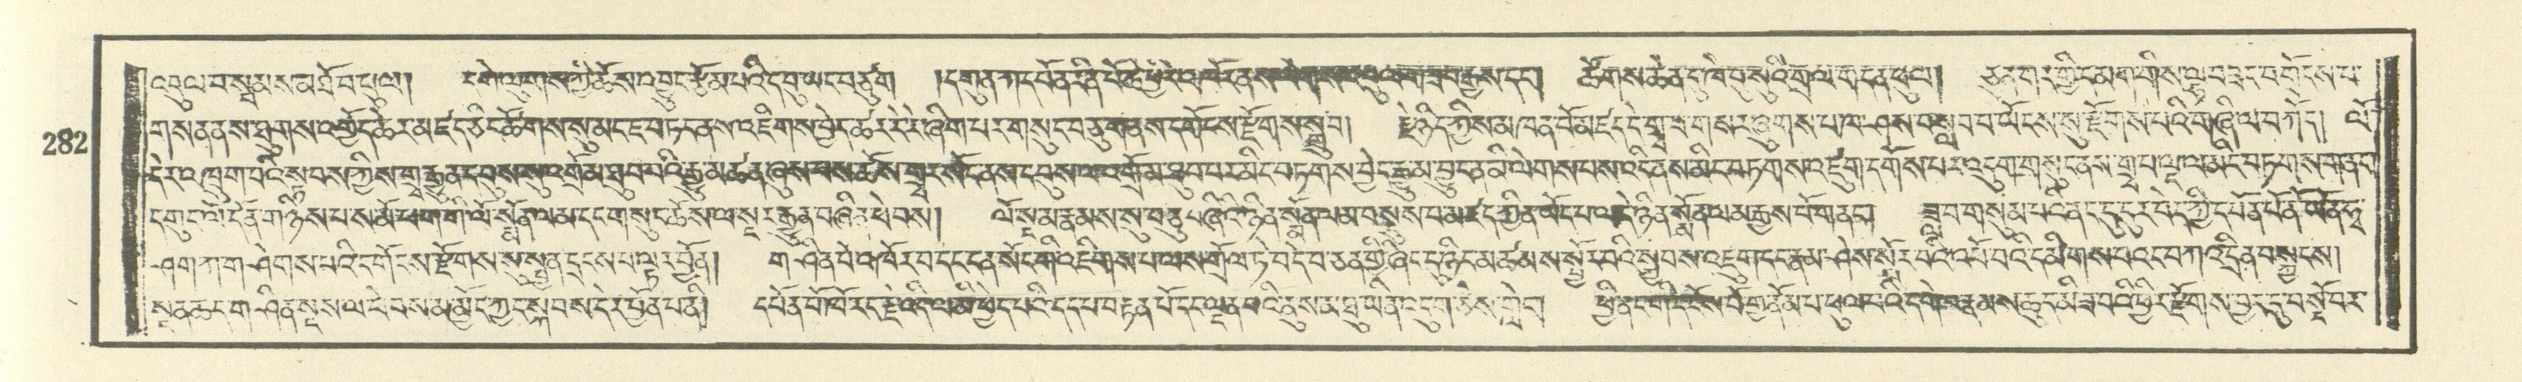འབུལ་བ་སྤམས་མཐོ་བ་ཕུལ། དགེ་ལུགས་ཀྱི་ཆོས་འབྱུང་རྩོམ་པའི་དབུ་ཡང་བཙུག །དགུན་ཀ་དཔོན་རིན་པོ་ཆེ་ཕྱིར་འཁོར་ནས་ལེགས་འབུལ་གཟབ་རྒྱས་དང་། ཚོགས་ཆེན་དུ་ཁེ་བུ་སུའི་གྲལ་གདན་ཕུལ། ཅུན་གར་གྱི་དམག་གིས་ལྷ་བཟང་བགྲོངས་པ་
གསན་ནས་ཐུགས་འགྱོད་ཆེར་མཛད་ཅིང་ཚོགས་སུ་མང་ཇ་བཏང་ནས་འཇིགས་བྱེད་ཚར་རེ་རེ་ཞིག་པར་གསུང་བཅུག་ནས་དགོངས་རྫོགས་སྒྲུབ། རྗེ་ཉིད་ཀྱིས་མཁན་པོ་མཛད་དེ་གྲྭ་པ་གསར་ཞུགས་པ་ཁ་ཤས་བསླབ་པ་ཡོངས་སུ་རྫོགས་པའི་གཞི་ལ་བཀོད། ལོ་
དེར་འཁྲུག་པའི་སྟབས་ཀྱིས་གྲྭ་རྒྱུན་དབུས་སུ་འགྲོ་མ་ཐུབ་བའི་རྒྱུ་མཚན་ཞུས་བས་ཆོས་གྲྭར་སོང་ནས་དབུས་ལ་འགྲོ་མ་ཐུབ་པར་མིང་བཏགས་བྱེད་རྒྱུ་མ་བྱུང་ན་མི་ལེགས་པས་འདི་ནས་མིང་བཏགས་འཛུག་དགོས་པར་འདུག་གསུང་ནས་གྲྭ་པ་ལྔ་ལ་མིང་བཏགས་གནང་།
དགུང་ལོ་དོན་གཉིས་པ་ས་མོ་ཕག་གི་ལོ་སྨོན་ལམ་དང་གསུང་ཆོས་ལ་སྔར་རྒྱུན་བཞིན་ཕེབས། ལོ་སྔ་མ་རྣམས་སུ་བཅུ་བཞིའི་ཉིན་སྨོན་ལམ་བསྡུས་པ་མཛད་ཀྱིན་ཡོད་པ་ལ་དེ་ཉིན་སྨོན་ལམ་རྒྱས་པོ་གནང་། ཟླ་བ་གསུམ་པའི་ནང་དུ་དུར་བེད་ཀྱི་དཔོན་པོ་ནོ་ཡོན་ཧྭ་
ཤག་ཀ་གཤེགས་པའི་དགོངས་རྫོགས་སུ་སྤྱན་དྲངས་པ་ལྟར་བྱོན། གཤིན་པོ་འཁོར་བ་དང་ངན་སོང་གི་འཇིགས་པ་ལས་གྲོལ་ཏེ་བདེ་བ་ཅན་གྱི་ཞིང་དུ་ཉིང་མཚམས་སྤྱོར་བའི་སྐྱབས་འཇུག་དང་རྣམ་ཤེས་སྤོར་བའི་འཕོ་བའི་དམིགས་པའང་བཀའ་དྲིན་བསྐྱངས།
སྔན་ཆད་གཤིན་སྔས་ལ་ཕེབས་མ་མྱོང་ཀྱང་སྐབས་དེར་བྱོན་པ་ནི། དཔོན་པོ་ཁོ་རང་རྗེ་འདི་ལ་མི་ཕྱེད་པའི་དད་པ་བརྟན་པོ་དང་ལྡན་པའི་ནུས་མཐུ་ཡིན་འདུག་ཅེས་གླེང་། ཕྱི་ནང་གི་དངོས་པོ་གྱ་ནོམ་པ་ཕུལ་བའི་དགེ་བ་རྣམས་ཆུད་མི་ཟ་བའི་ཕྱིར་རྫོགས་བྱང་དུ་བསྔོ་བར་